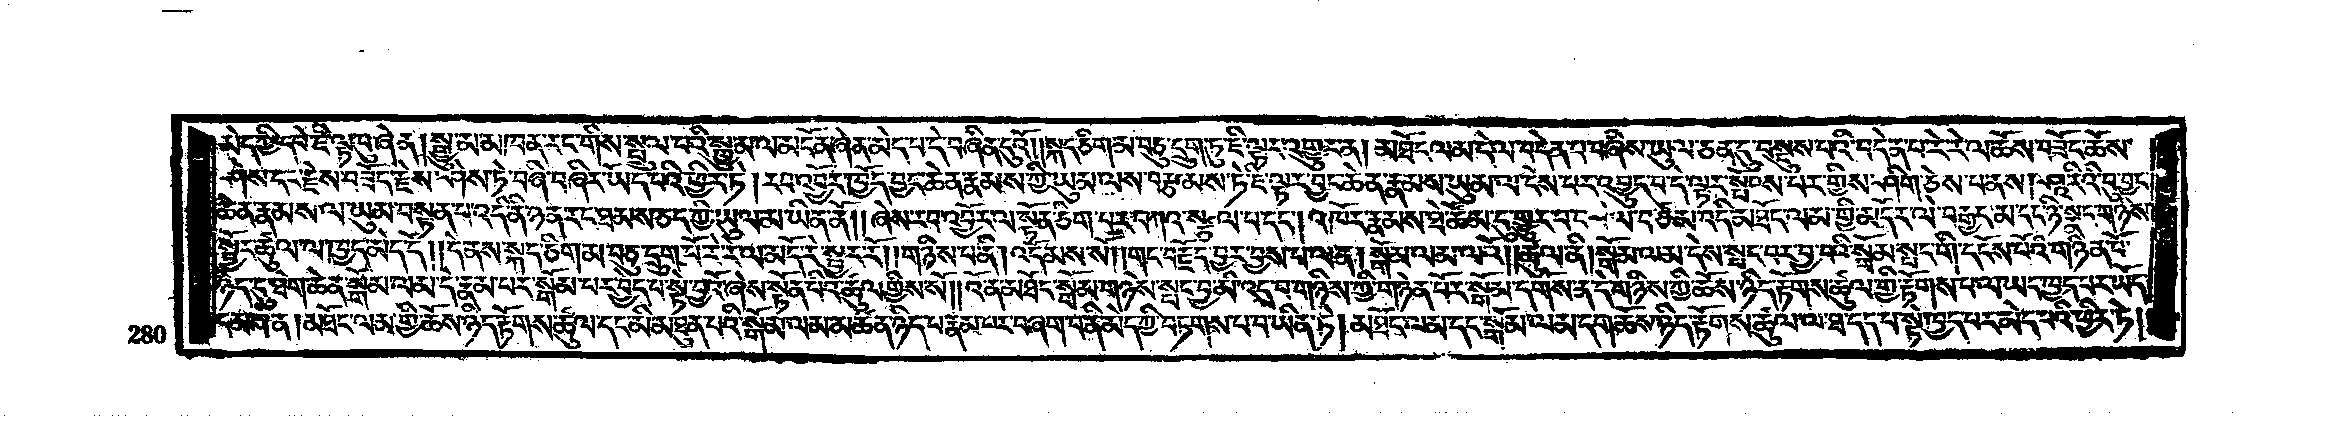མེད་ཀྱི་དཔེ་ཇི་ལྟ་བུ་ཞེ་ན། སྒྱུ་མ་མཁན་རང་གིས་སྤྲུལ་པའི་སྒྱུ་མ་ལ་མངོན་ཞེན་མེད་པ་དེ་བཞིན་དུའོ། །སྐད་ཅིག་མ་བཅུ་དྲུག་ཏུ་ཇི་ལྟར་འགྱུར་ན། མཐོང་ལམ་དེ་ལ་བདེན་པ་བཞིས་ཡུལ་ཅན་དུ་བསྡུས་པའི་བདེན་པ་རེ་རེ་ལ་ཆོས་བཟོད་ཆོས་
ཤེས་དང་རྗེས་བཟོད་རྗེས་ཤེས་ཏེ་བཞི་བཞིར་ཡོད་པའི་ཕྱིར་ཏེ། རབ་འབྱོར་ཁྱོད་བྱང་ཆེན་རྣམས་ཀྱི་ཡུམ་ལས་བརྩམས་ཏེ་ཇི་ལྟར་བྱང་ཆེན་རྣམས་ཡུམ་ལ་ངེས་པར་འབྱུང་བ་དེ་ལྟར་སྤོབས་པར་གྱིས་ཤིག་ཅེས་པ་ནས། ཤཱ་རིའི་བུ་བྱང་
ཆེན་རྣམས་ལ་ཡུམ་བསྟན་པ་འདི་ནི་ཉན་རང་ཐམས་ཅད་ཀྱི་ཡུལ་མ་ཡིན་ནོ། །ཞེས་རབ་འབྱོར་ལ་སྟོན་ཅིག་པར་བཀའ་སྩལ་པ་དང་། འཁོར་རྣམས་ཐེ་ཚོམ་དུ་གྱུར་པ་བསལ་བ་ཙམ་འདི་མཐོང་ལམ་གྱི་མདོར་ལ་བརྒྱད་མ་དང་ཉི་སྣང་གཉིས་
སྦྱོར་ཚུལ་ལ་ཁྱད་མེད་དོ། །དེ་ནས་སྐད་ཅིག་མ་བཅུ་དྲུག་པོ་རེ་རེ་ལ་མདོ་རེ་སྦྱར་རོ། །གཉིས་པ་ནི། འདོམས་སོ། །གང་བརྗོད་བྱར་བྱས་པ་ལ་ན། སྒོམ་ལམ་ལའོ། །ཚུལ་ནི། སྒོམ་ལམ་དེས་སྤང་བར་བྱ་བའི་སྒོམ་སྤང་གི་དངོས་པོའི་གཉེན་པོ་
ཉིད་དུ་ཐེག་ཆེན་སྒོམ་ལམ་དེ་རྣམ་པར་སྒོམ་པར་བྱེད་པ་སྟེ་བྱའོ་ཞེས་སྟོན་པའི་ཚུལ་གྱིས་སོ། །འོ་ན་མཐོང་སྒོམ་གཉིས་སྤང་བྱ་མི་འདྲ་བ་གཉིས་ཀྱི་གཉེན་པོར་སྒོམ་དགོས་ན་དེ་གཉིས་ཀྱི་ཆོས་ཉིད་རྟོགས་ཚུལ་གྱི་རྟོགས་པ་ལ་ཡང་ཁྱད་པར་ཡོད་
དམ་ཞེ་ན། མཐོང་ལམ་གྱི་ཆོས་ཉིད་རྟོགས་ཚུལ་དང་མི་མཐུན་པའི་སྒོམ་ལམ་མཚན་ཉིད་པ་རྣམ་པར་བཞག་པ་ནི་མེད་ཀྱི་བཏགས་པ་བ་ཡིན་ཏེ། མཐོང་ལམ་དང་སྒོམ་ལམ་དག་ཆོས་ཉིད་རྟོགས་ཚུལ་ལ་ཐ་དད་པ་སྟེ་ཁྱད་པར་མེད་པའི་ཕྱིར་ཏེ། །